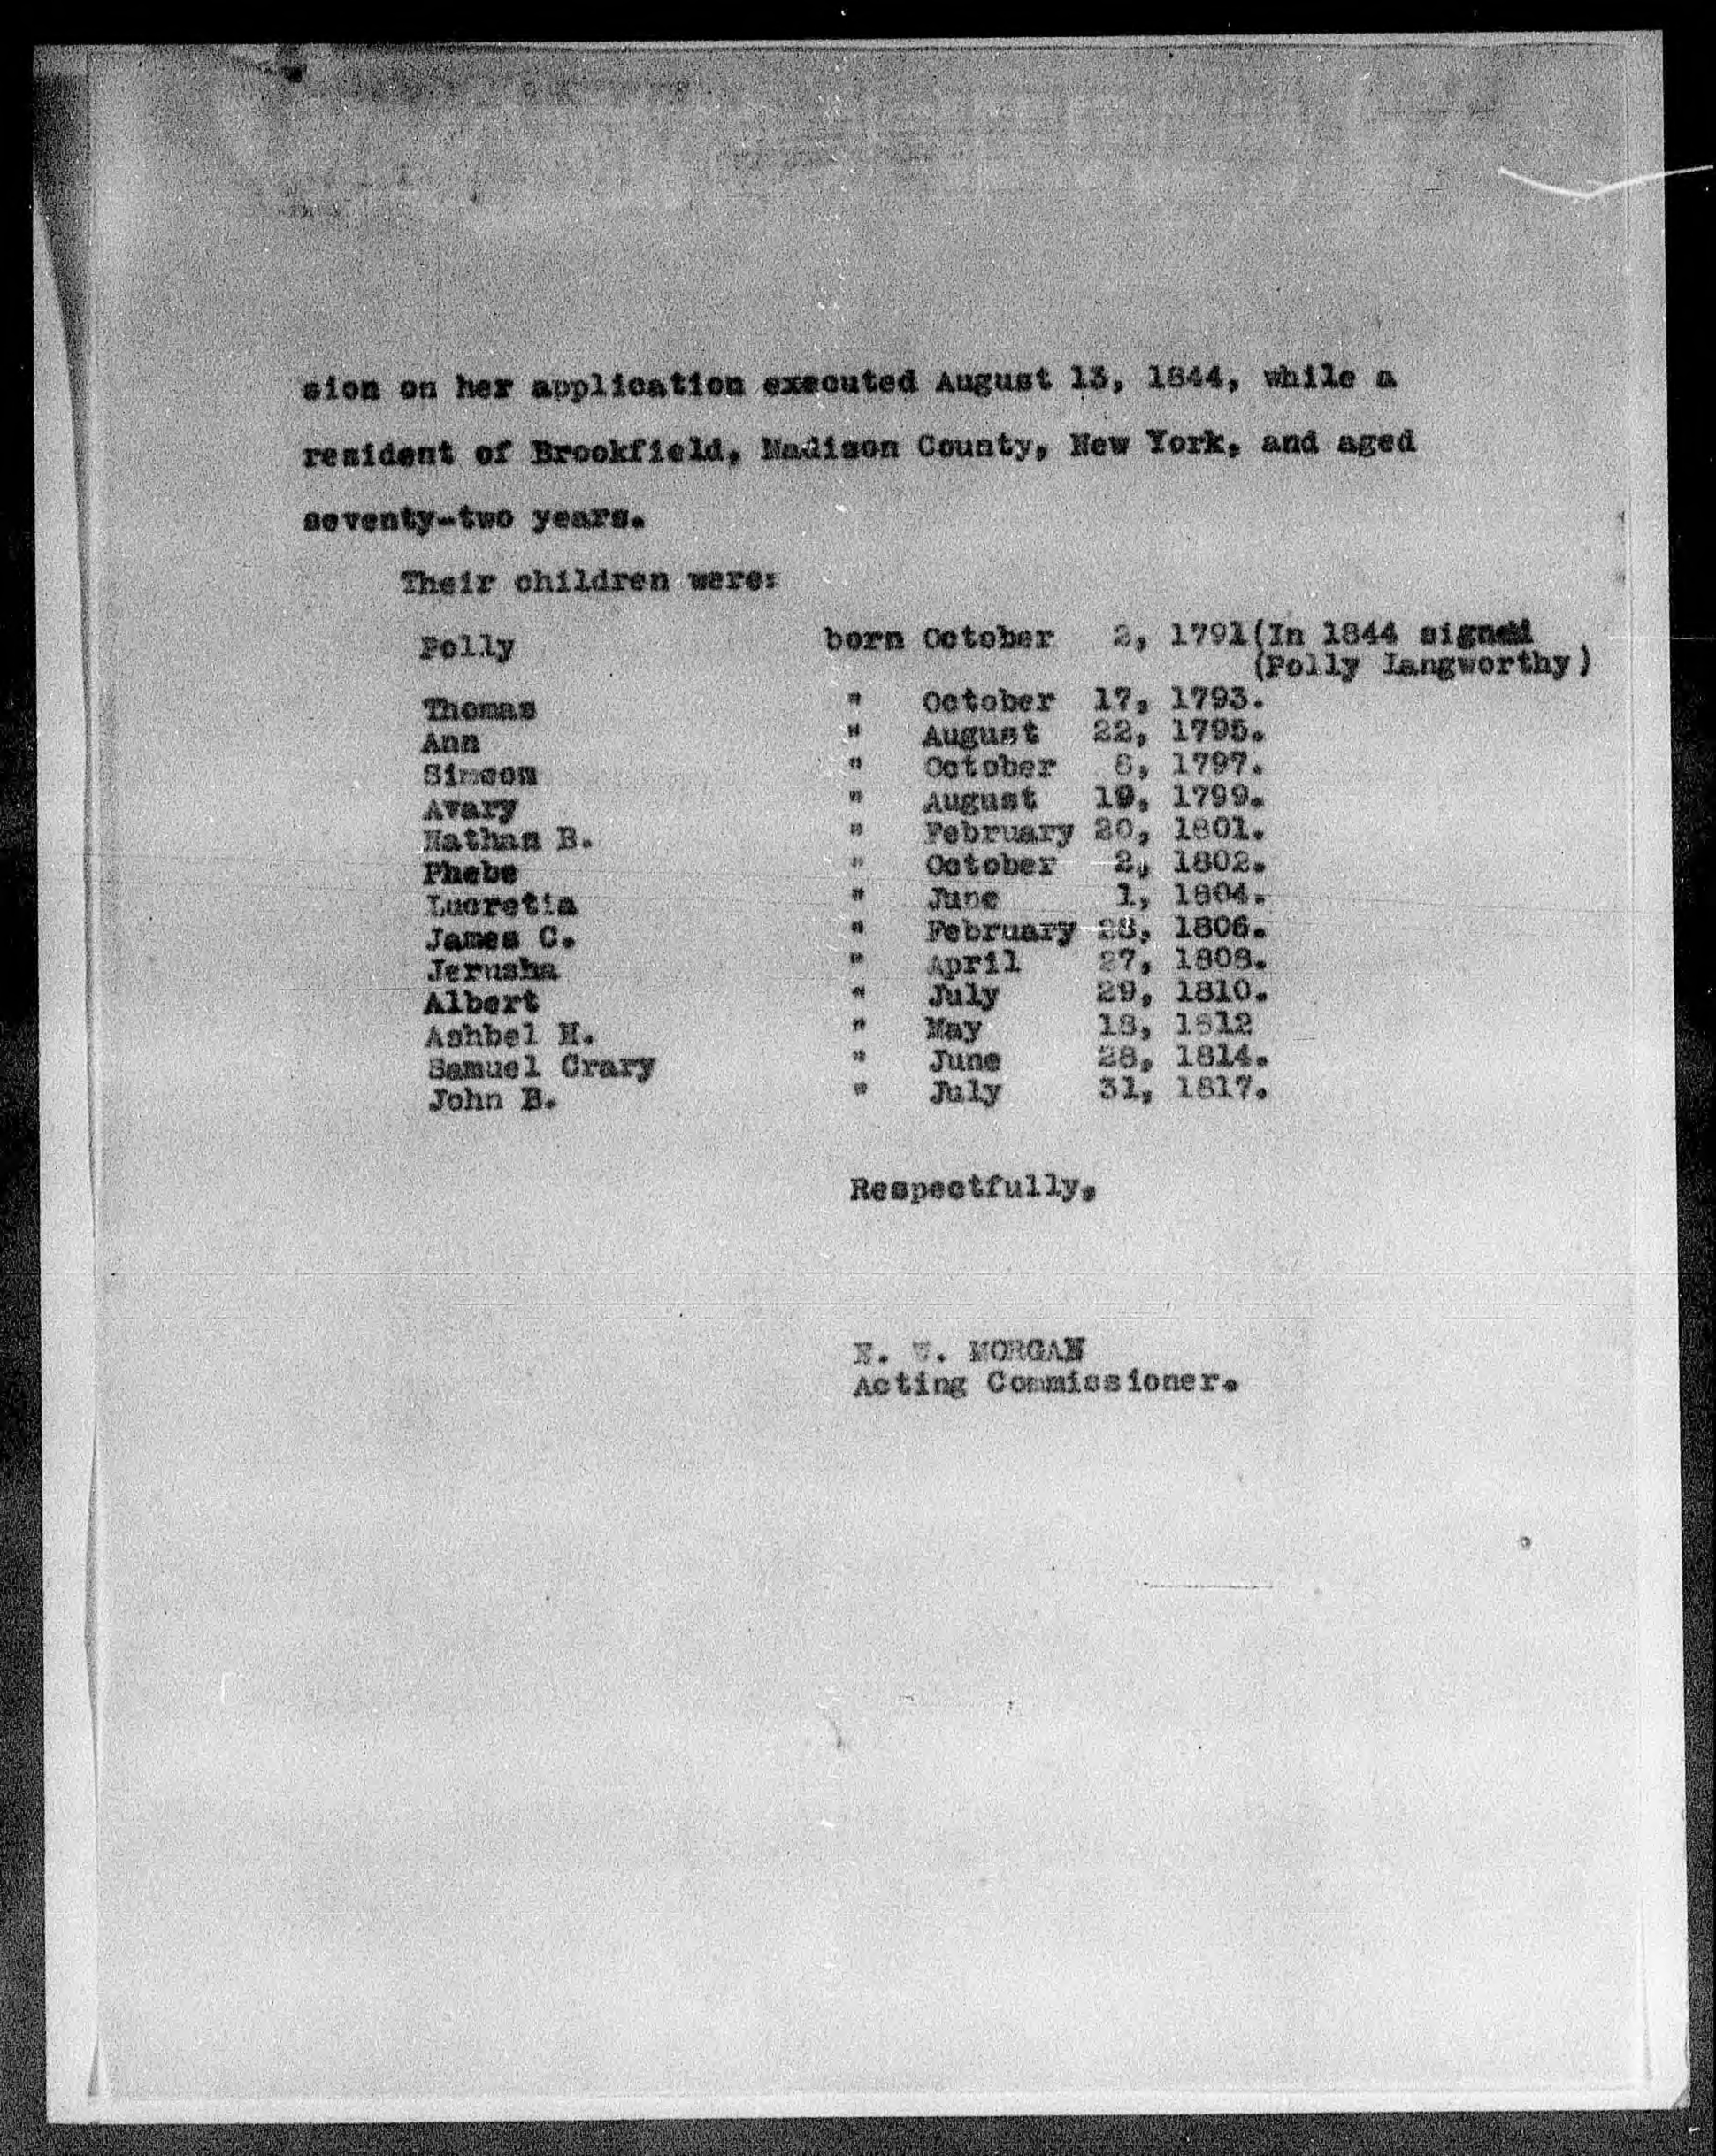sion on her application executed August 13, 1844, while a resident of Brookfield, Madison County, New York, and aged seventy-two years.

Their children were:
Polly born October 2, 1791 (In 1844 signed Polly Langworthy)
Thomas “ [born] October 17, 1793.
Ann “ [born] August 22, 1795.
Simeon “ [born] October 8, 1797.
Avary “ [born] August 19, 1799.
Nathan B. “ [born] February 20, 1801.
Phebe “ [born] October 2, 1802.
Lucretia “ [born] June 1, 1804.
James C. “ [born] February 28, 1806.
Jerusha “ [born] April 27, 1808.
Albert “ [born] July 29, 1810.
Ashbel M. “ [born] May 18, 1812.
Samuel Crary “ [born] June 28, 1814.
John B. “ [born] July 31, 1817.

Respectfully, E. W. MORGAN Acting Commissioner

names: Phebe, Albert, John B, Polly, Nathan B, Ashbel H, Ann, Lucretia, James C, Avary, Samuel Crary, Jerusha, Simeon, Polly Langworthy, Thomas, E W Morgan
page: 24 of 60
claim: widow's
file: W. 19,537, Thomas Griffin, Conn.